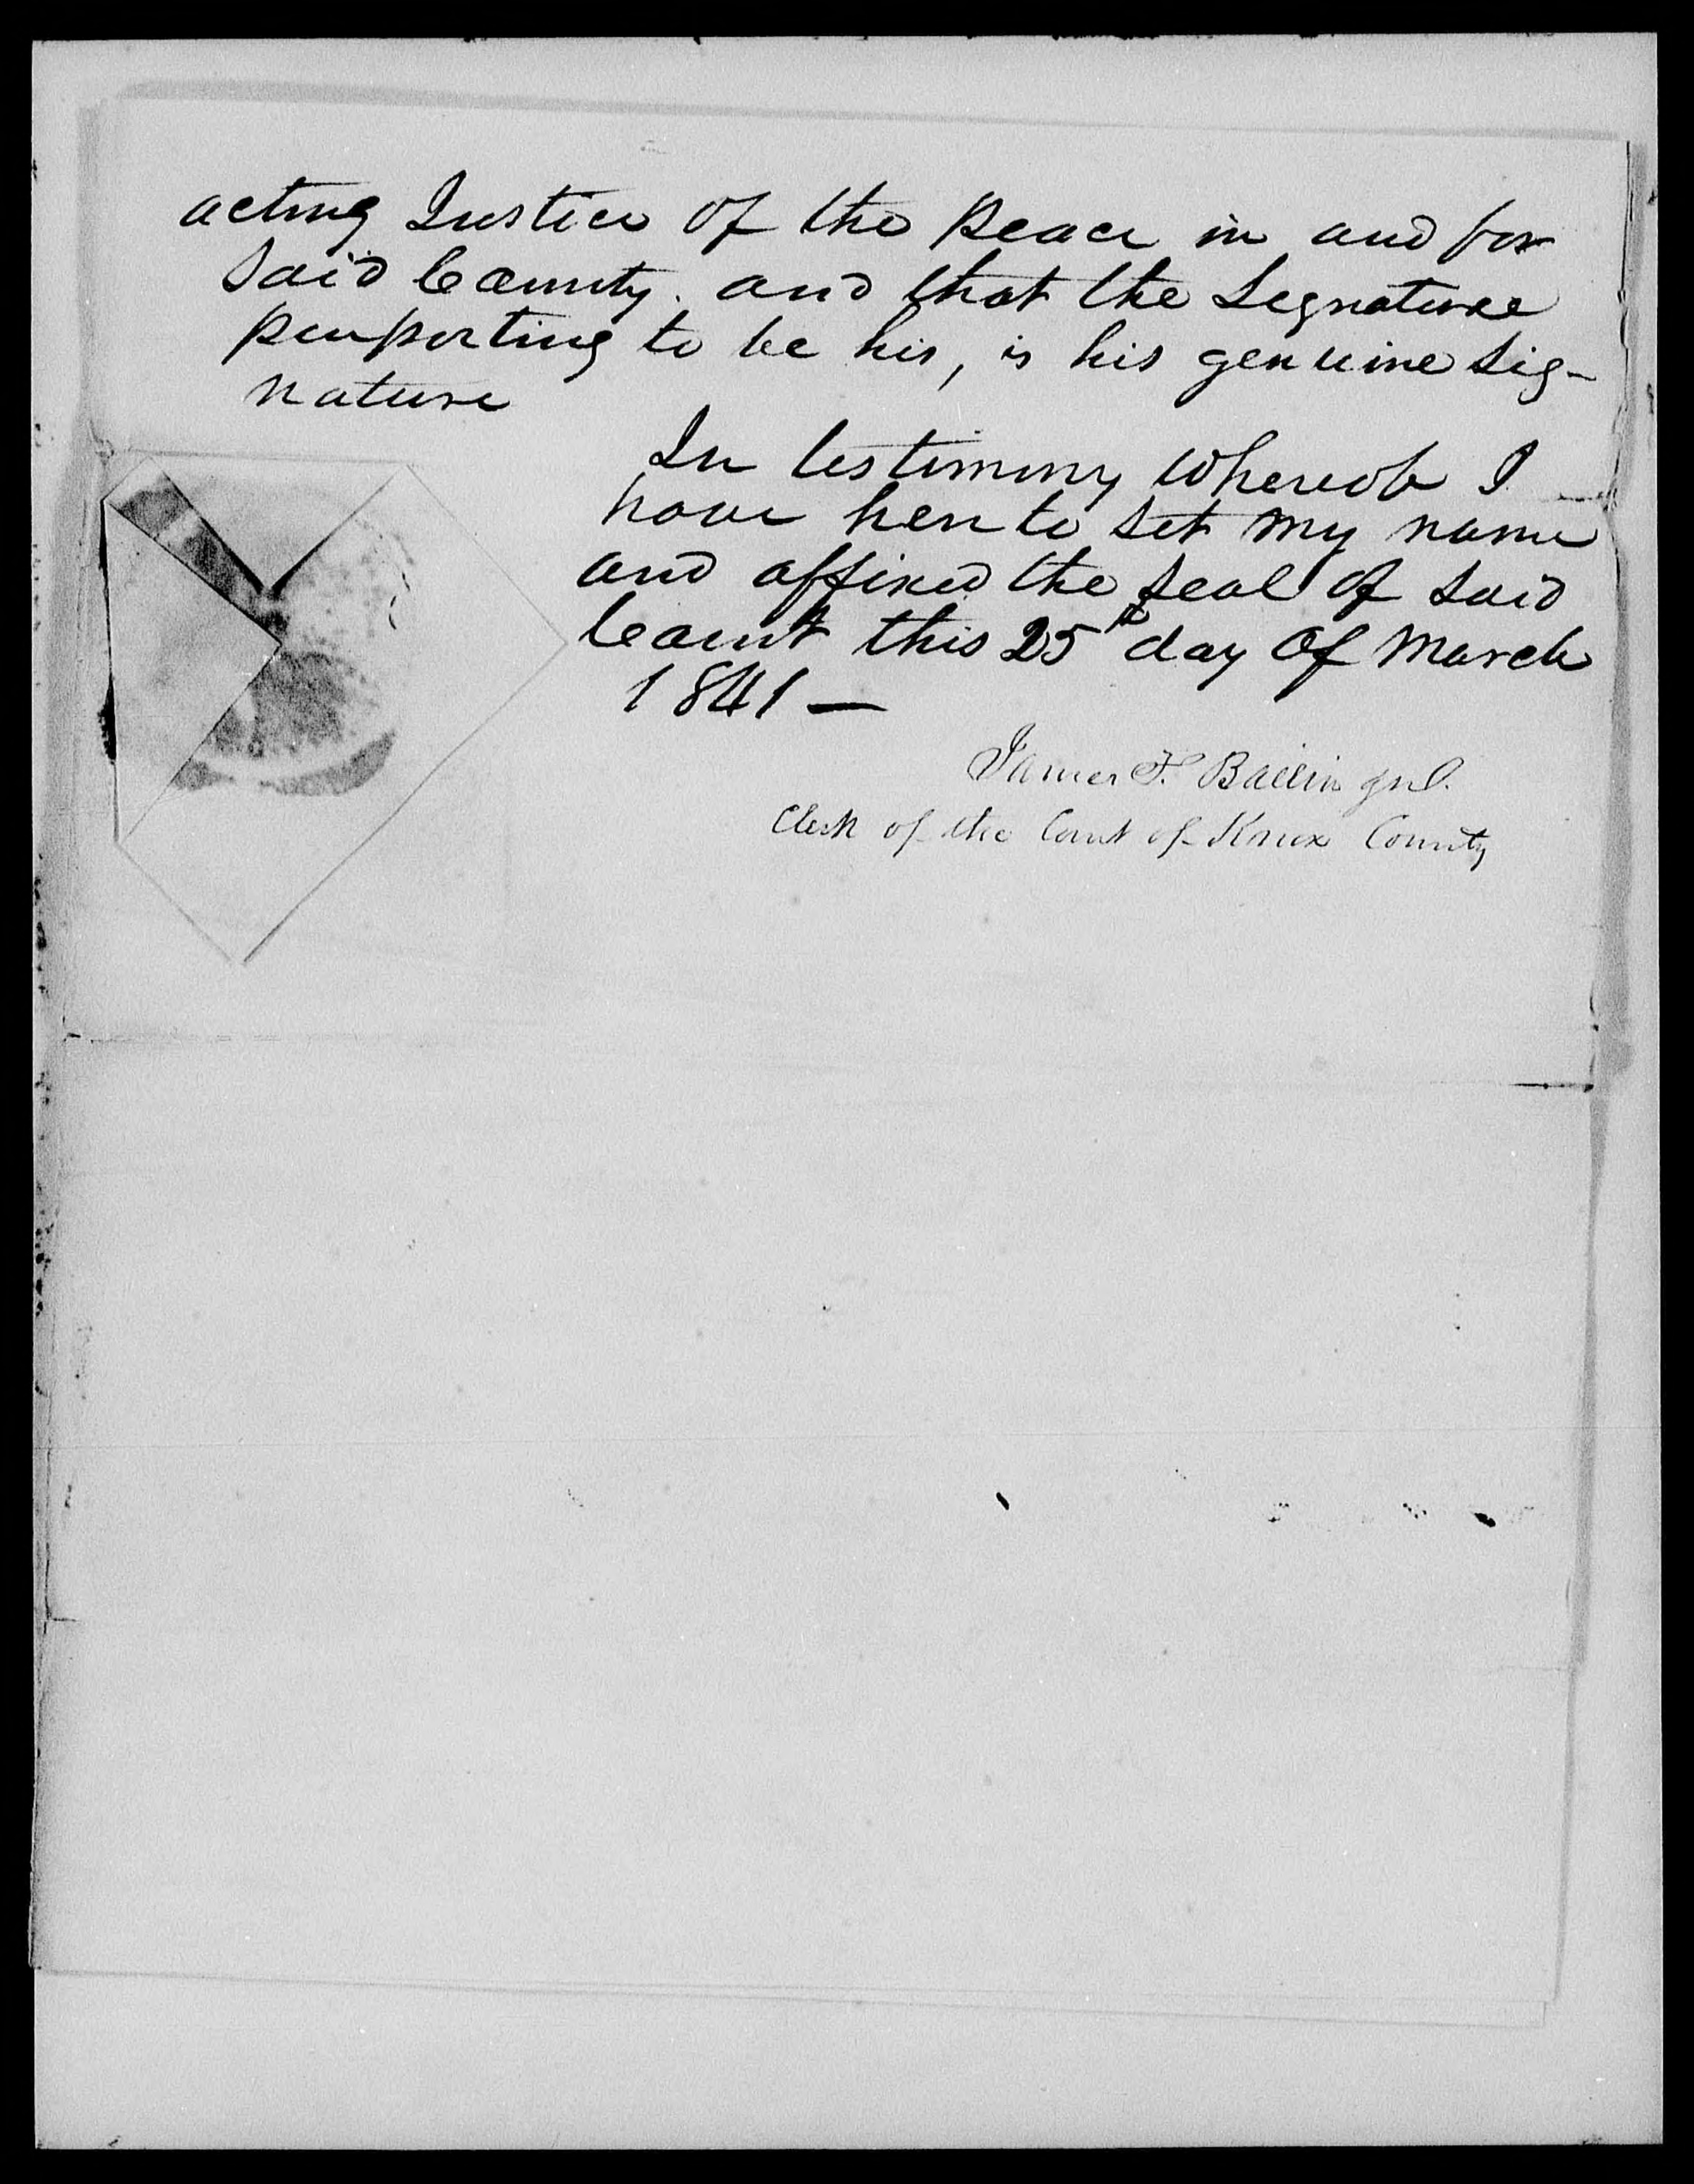acting Justice of the peace in and for
said County, and that the signature
purporting to be his, is his genuine signature
In testimony whereof I have
hereto set my name
and affixed the seal of said
Court this 25 day of March 1841
James F. Ballinger
Clerk of the Court of Knox County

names: James F Ballinger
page: 32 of 43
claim: rejected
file: R. 8217, for Thomas Philpot, South Carolina